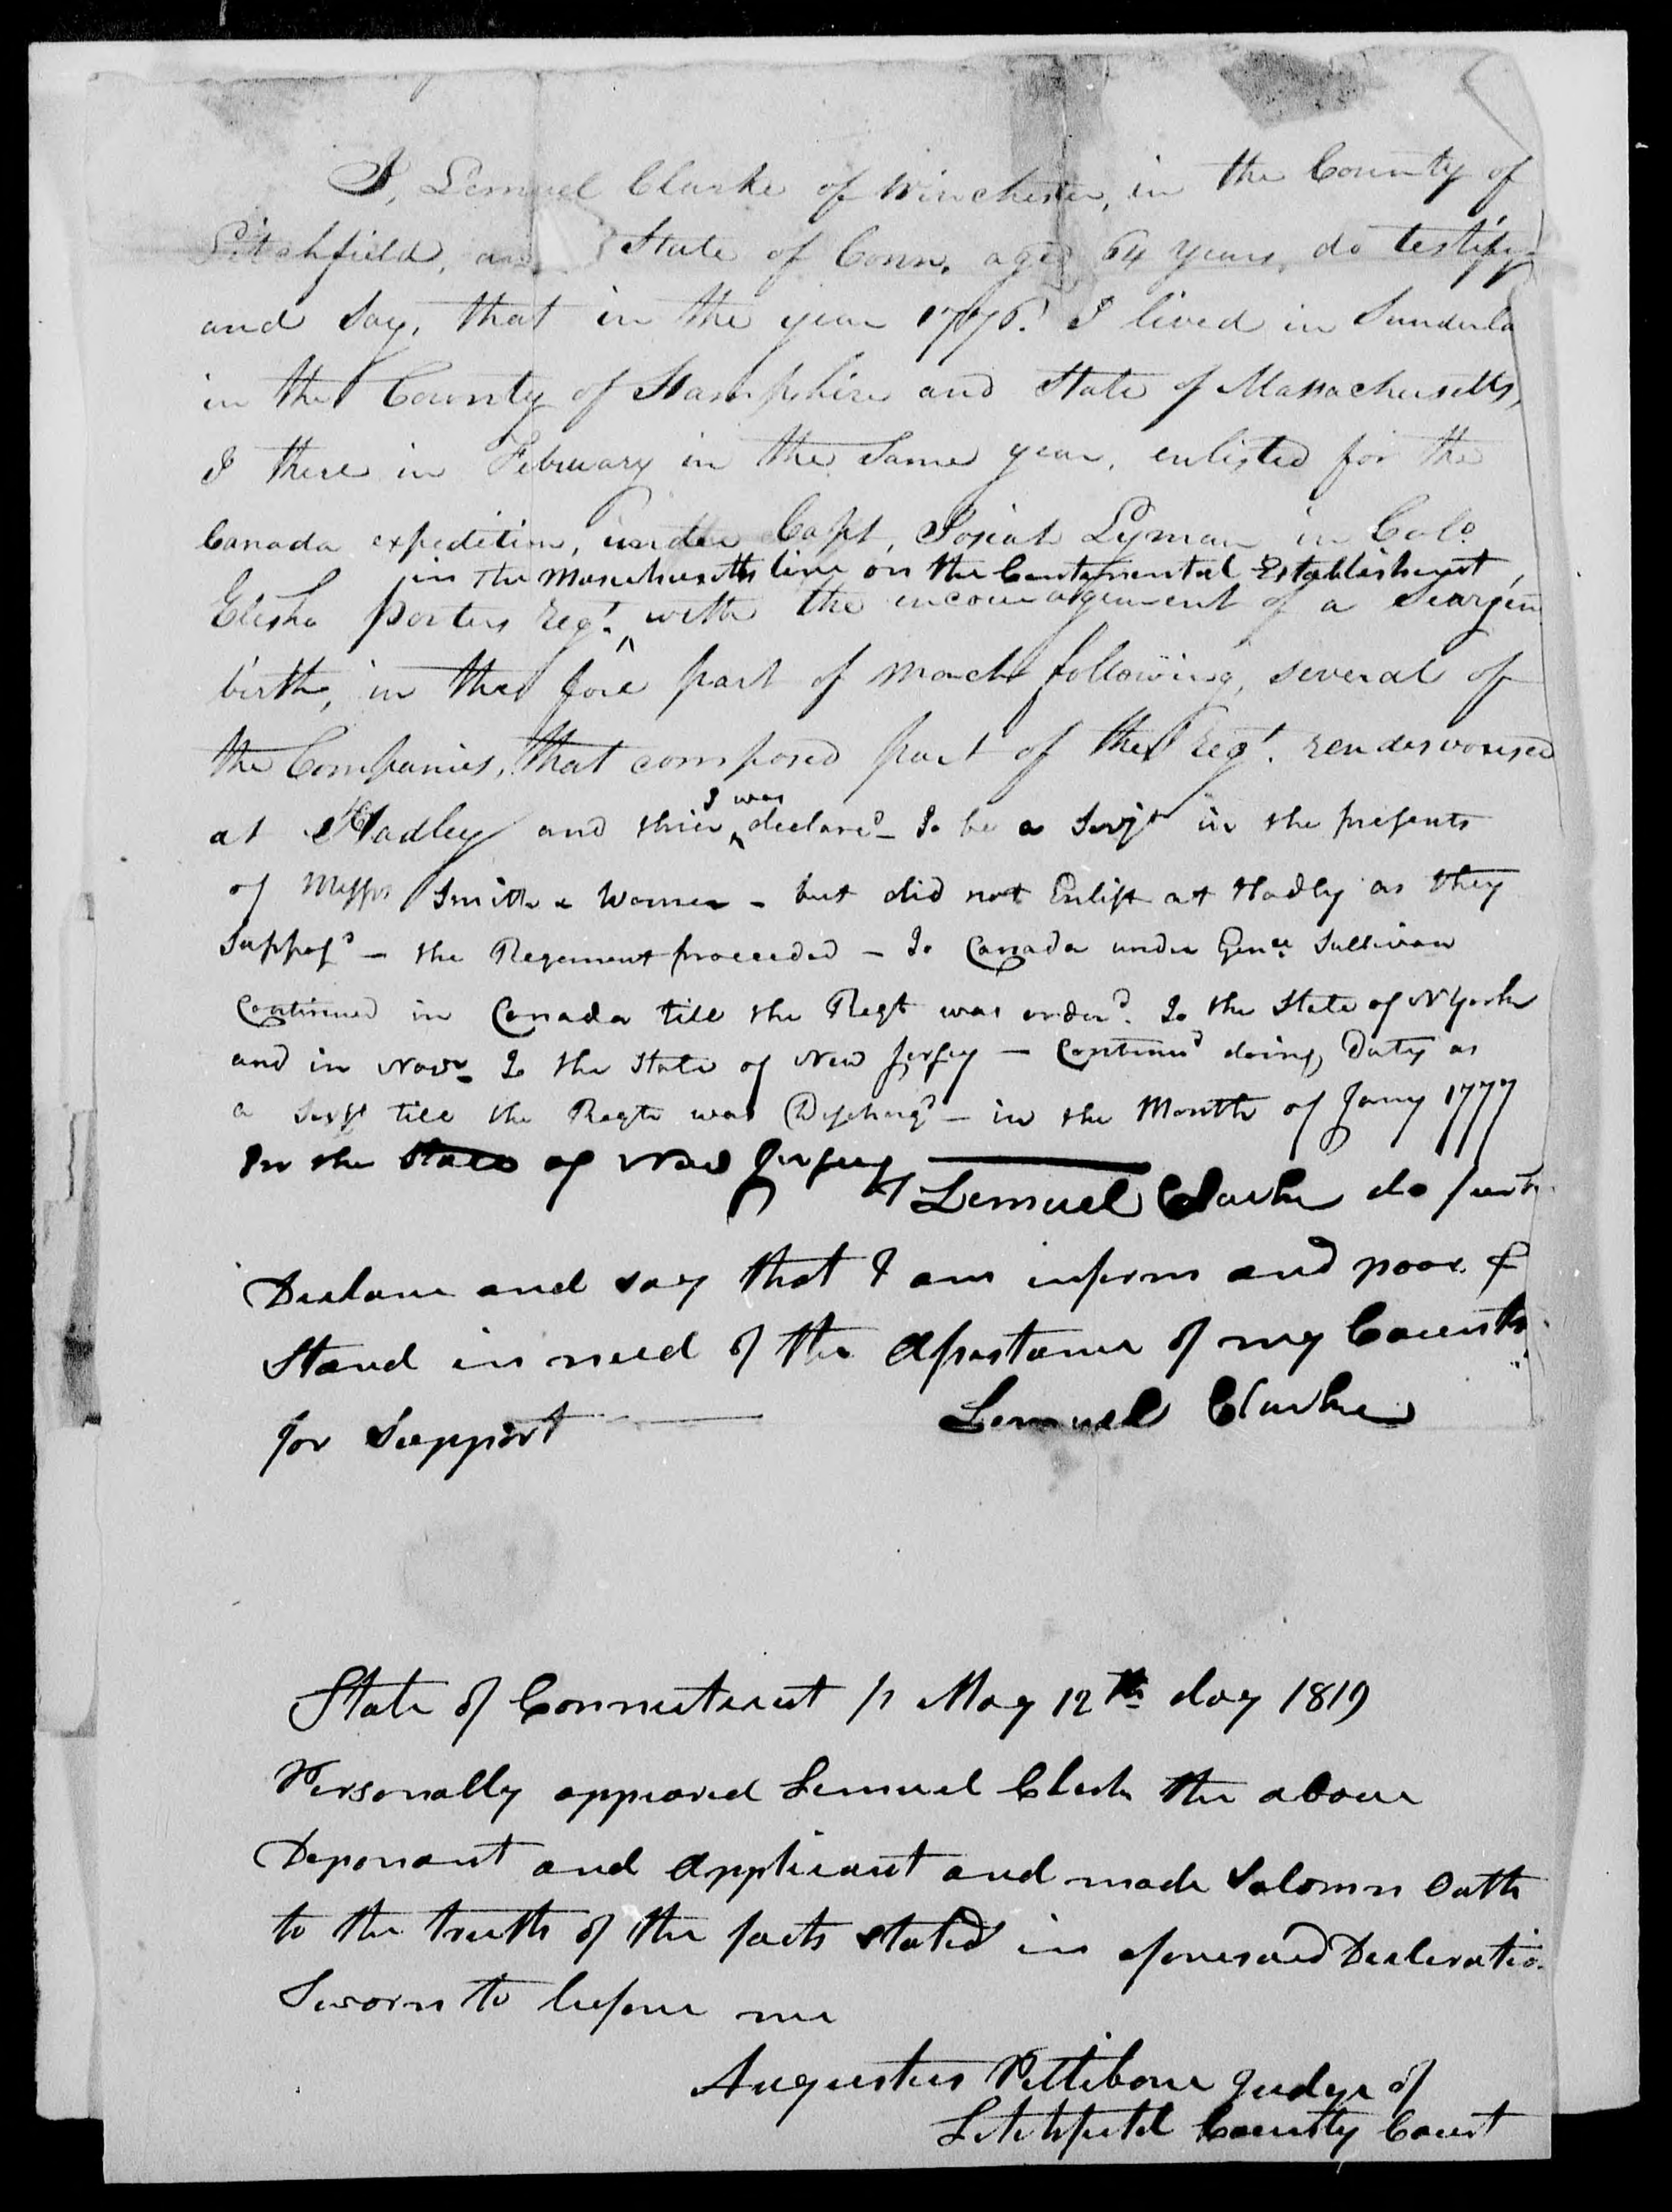I, Lemuel Clarke of Winchester in the County of Litchfield, and State of Conn. aged 64 years do testify and say, that in the year 1776 I lived in Sunderly in the County of Hampshire and State of Massachusetts I there in February in the same year enlisted for the Canada expedition, under Capt. Josiah Lyman in Colo Elisha Porter rent [inserted: in the Massachusetts line on the Continental Establishment] with the incouragement of a Seargen birth, in the fore part of march following, several of the Companies, that composed part of the Regt rendesvoused at Hadley and their [inserted: I was] declared to be a Sergt in the presents of Messrs Smith & Warner but did not enlist at Hadly as they suppose - the Regiment proceeded- to Canada under Genl Sullivan continued in Canada till the Regt was orderd to the State of N York and in Nov. to the State of New Jersey - Continued doing duty as a sergt till the Regt was discharged in the month of Jany 1777 in the State of New Jersey Lemuel Clark do forth Declare and say that I am infirm and poor & stand in need of the Assistance of my County for support 
Lemuel Clarke 

State of Connecticutt May 12th day 1819 Personally appeared Lemuel Clark the above Deponant and applicant and made Solemn Oath to the truth of the facts stated in aforesaid Declaration Sworn to before me 
Augustus Pettibone Judge of Litchfield County Court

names: Lemuel Clarke, Lemuel Clark, Sullivan, Warner, Lemuel Clarke, Lemuel Clarke, Josiah Lyman, Smith, Augustus Pettibone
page: 40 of 48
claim: survivor's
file: S. 17343, Lemuel Clarke, Mass.